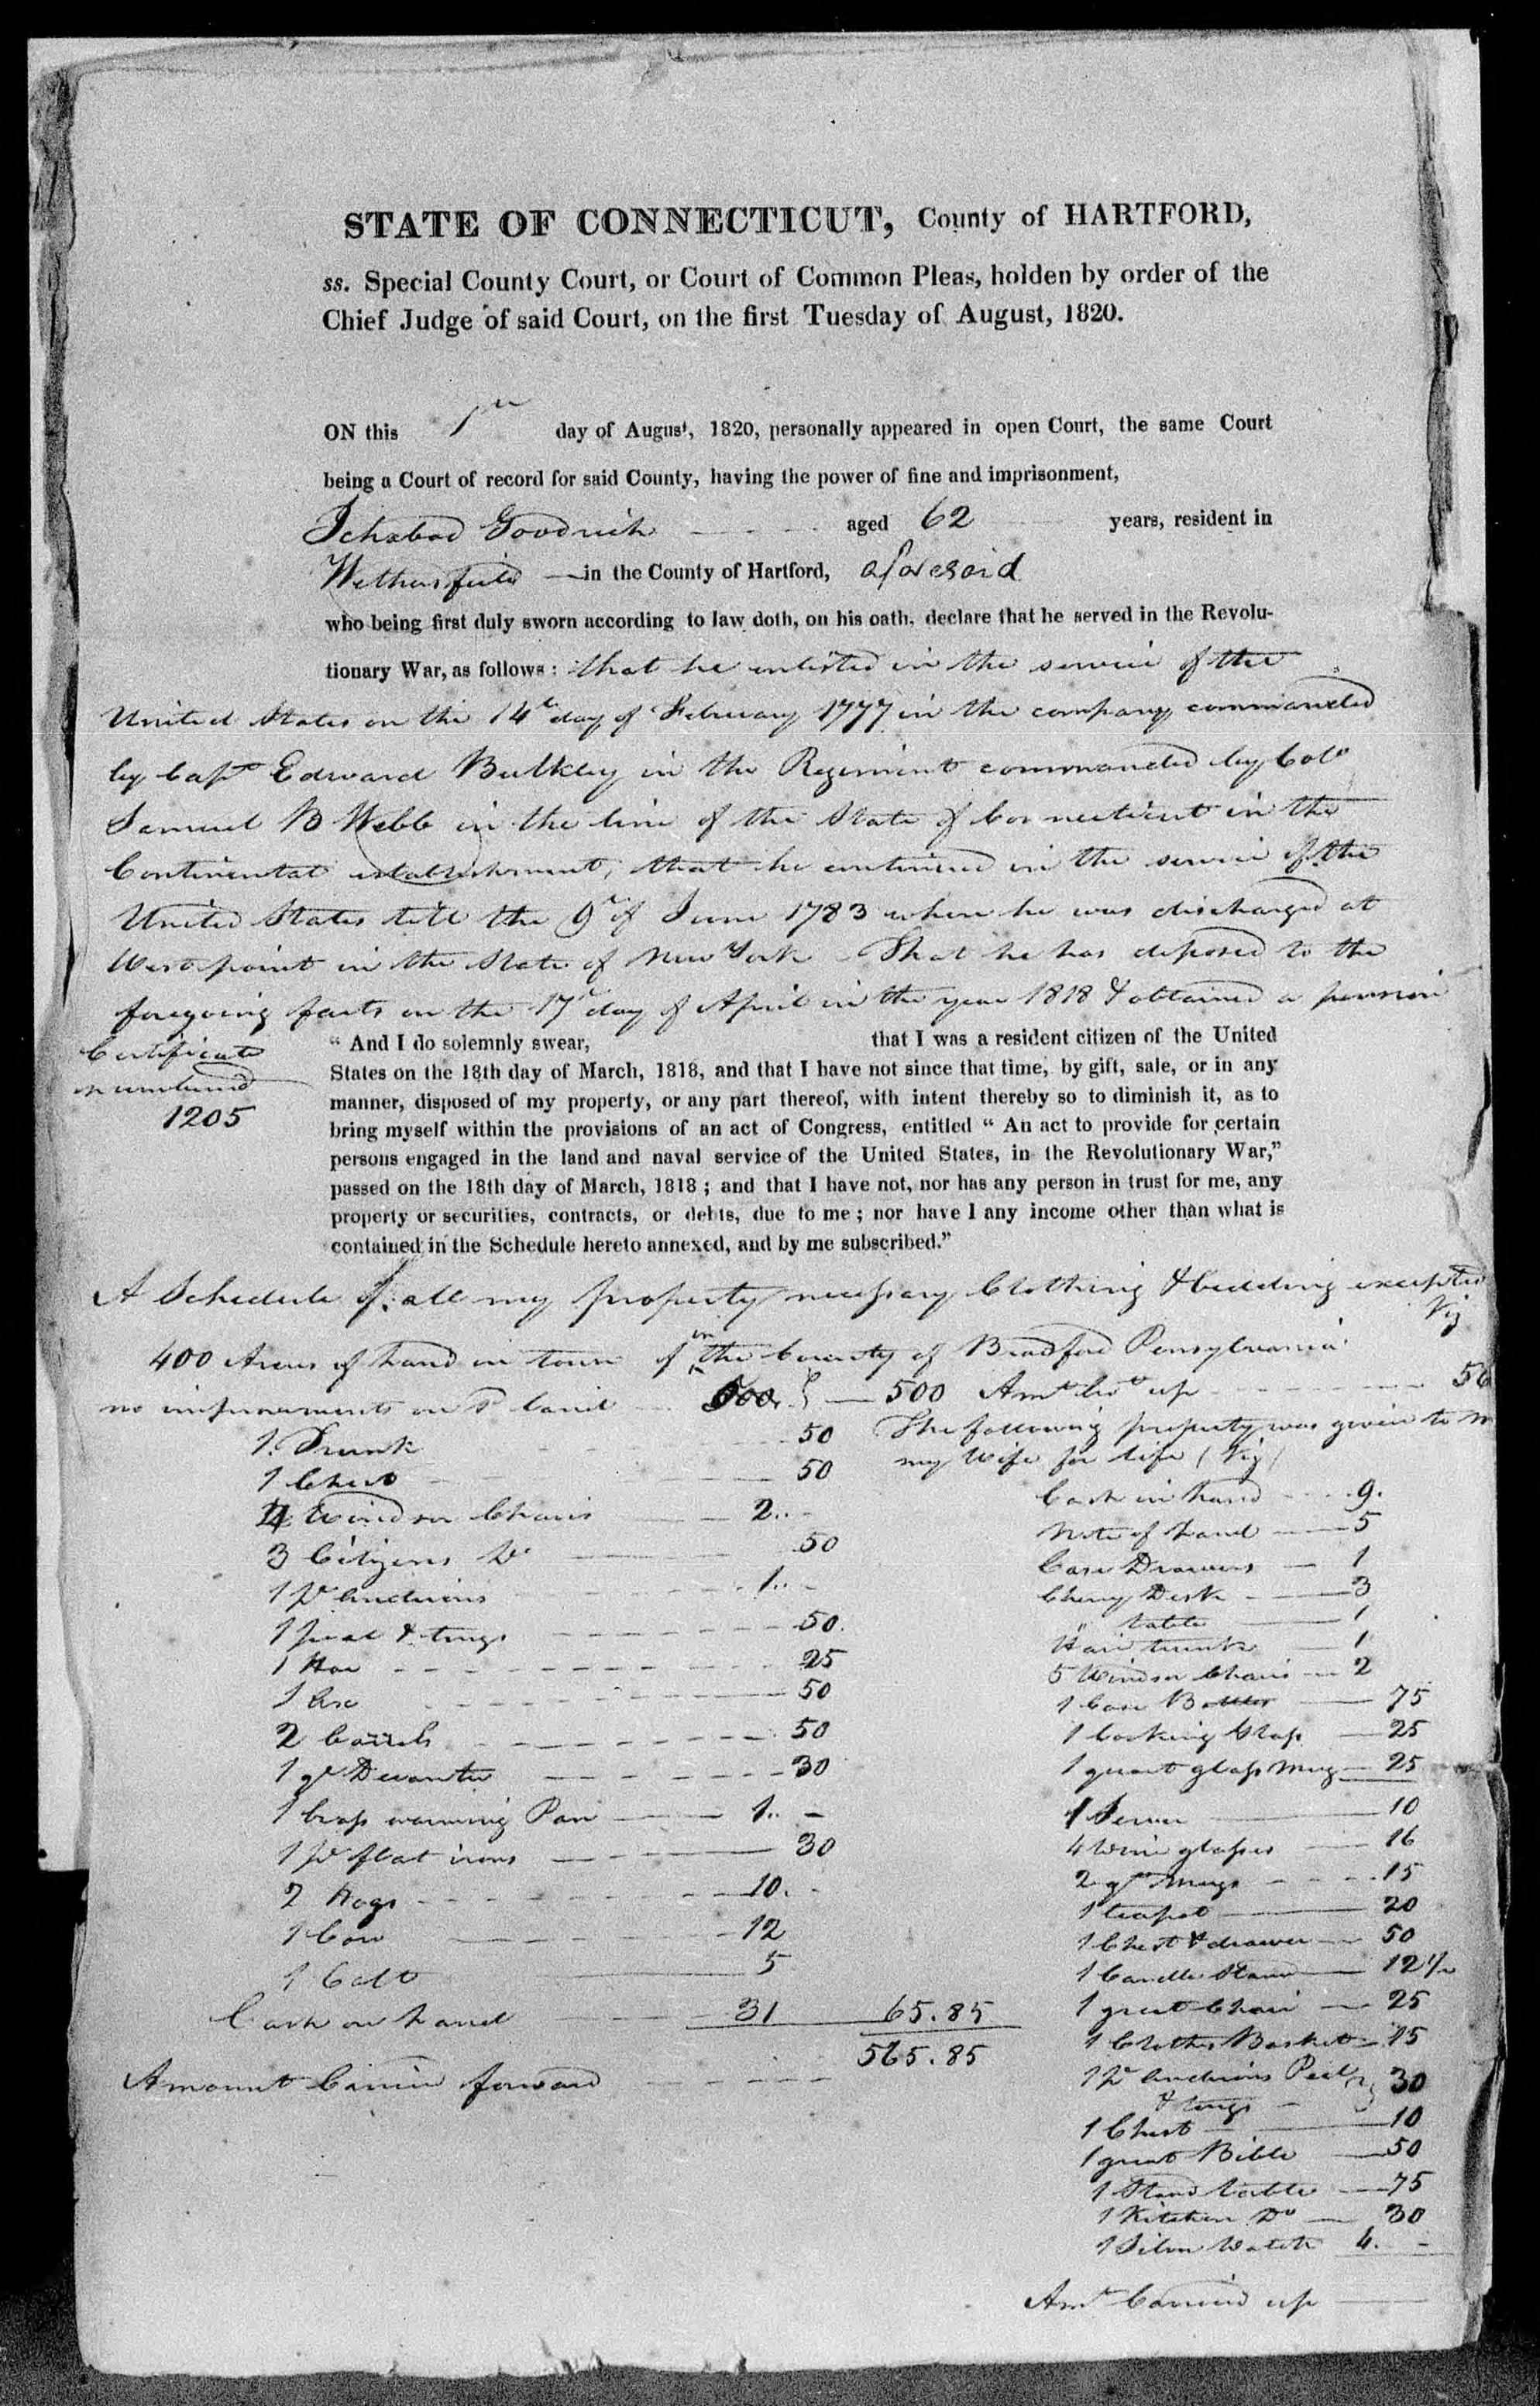STATE OF CONNECTICUT, County of HARTFORD,
ss. Special County Court, or Court of Common Pleas, holden by order of the Chief Judge of said Court, on the first Tuesday of August, 1820.

ON this 1st day of August, 1820, personally appeared in open Court, the same Court being a Court of record for said County, having the power of fine and imprisonment, Ichabod Goodrich aged 62 years, resident in Wethersfield in the County of Hartford, aforesaid, who being first duly sworn according to law, doth, on his oath, declare that he served in the Revolutionary War, as follows:

That he entered in the service of the United States on the 14th day of February 1777 in the company commanded by Capt Edward Bulkley in the regiment commanded by Col Samuel B. Webb in the line of the state of Connecticut in the Continental Establishment.
That he entered in the service of the United States til the 9th of June 1783 when he was discharged at West Point in the state of New York.
That he has deposed to the foregoing parts on the 17th day of April in the year 1818 & obtained a pension certificate numbered 1205.

And I do solemnly swear, that I was a resident citizen of the United States on the 18th day of March, 1818, and that I have not since that time, by gift, sale, or in any manner, disposed of my property, or any part thereof, with intent thereby so to diminish it, as to bring myself within the provisions of an act of Congress, entitled "An act to provide for certain persons engaged in the land and naval service of the United States, in the Revolutionary War," passed on the 18th day of March, 1818; and that I have not, nor has any person in trust for me, any property or securities, contracts, or debts, due to me; nor have I any income other than what is contained in the Schedule hereto annexed, and by me subscribed."

A schedule of all my property necessary clothing & bedding excepted, Viz.

400 Acres of Land in town & in the County of Bradford Pennsylvania. No improvements on said land ~ 500
1 Trunk     .50
1 Chest     .50
4 windsor chairs 2.00
3 citizens [illegible]  .50
1 p andirons 1.00
1 peal & tongs  .50
1 hoe .25
1 axe .50
2 barrels  .50
1 decanter  .30
1 brass warming pan  1.00
1 pr flat irons   .30
2 hogs  10.00
1 cow 12.00
1 colt 5.00
cash on hand   31.00
_______
65.85
________
Amount carried forward 565.85

The following property was given to my wife for life (viz)
Cash in hand  9.00
Note of hand  5.00
case drawers   1.00
Cherry desk   3.00
Cherry table    1.00
[illegible] trunk  1.00
5 windsor chairs  2.00
1 case bottles   .75
1 looking glass  .25
1 quart glass mug  .25
1 server  .10
4 wine glasses  .16
2 qt mugs   .15
1 teapot .20
1 chest drawer .50
1 candlestand  .12 1/2
1 great chair   .25
1 clothes basket  .15
12 [illegible] Peal & tongs  .30
1 chest .10
1 great Bible .50
1 stand table   .75
1 kitchen table  .30
1 silver watch 4.00
Amt Carried Up ________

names: Samuel B Webb, Edward Bulkley, Ichabod Goodrich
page: 7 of 46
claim: survivor's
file: S. 36,556, Ichabod Goodrich, Conn.